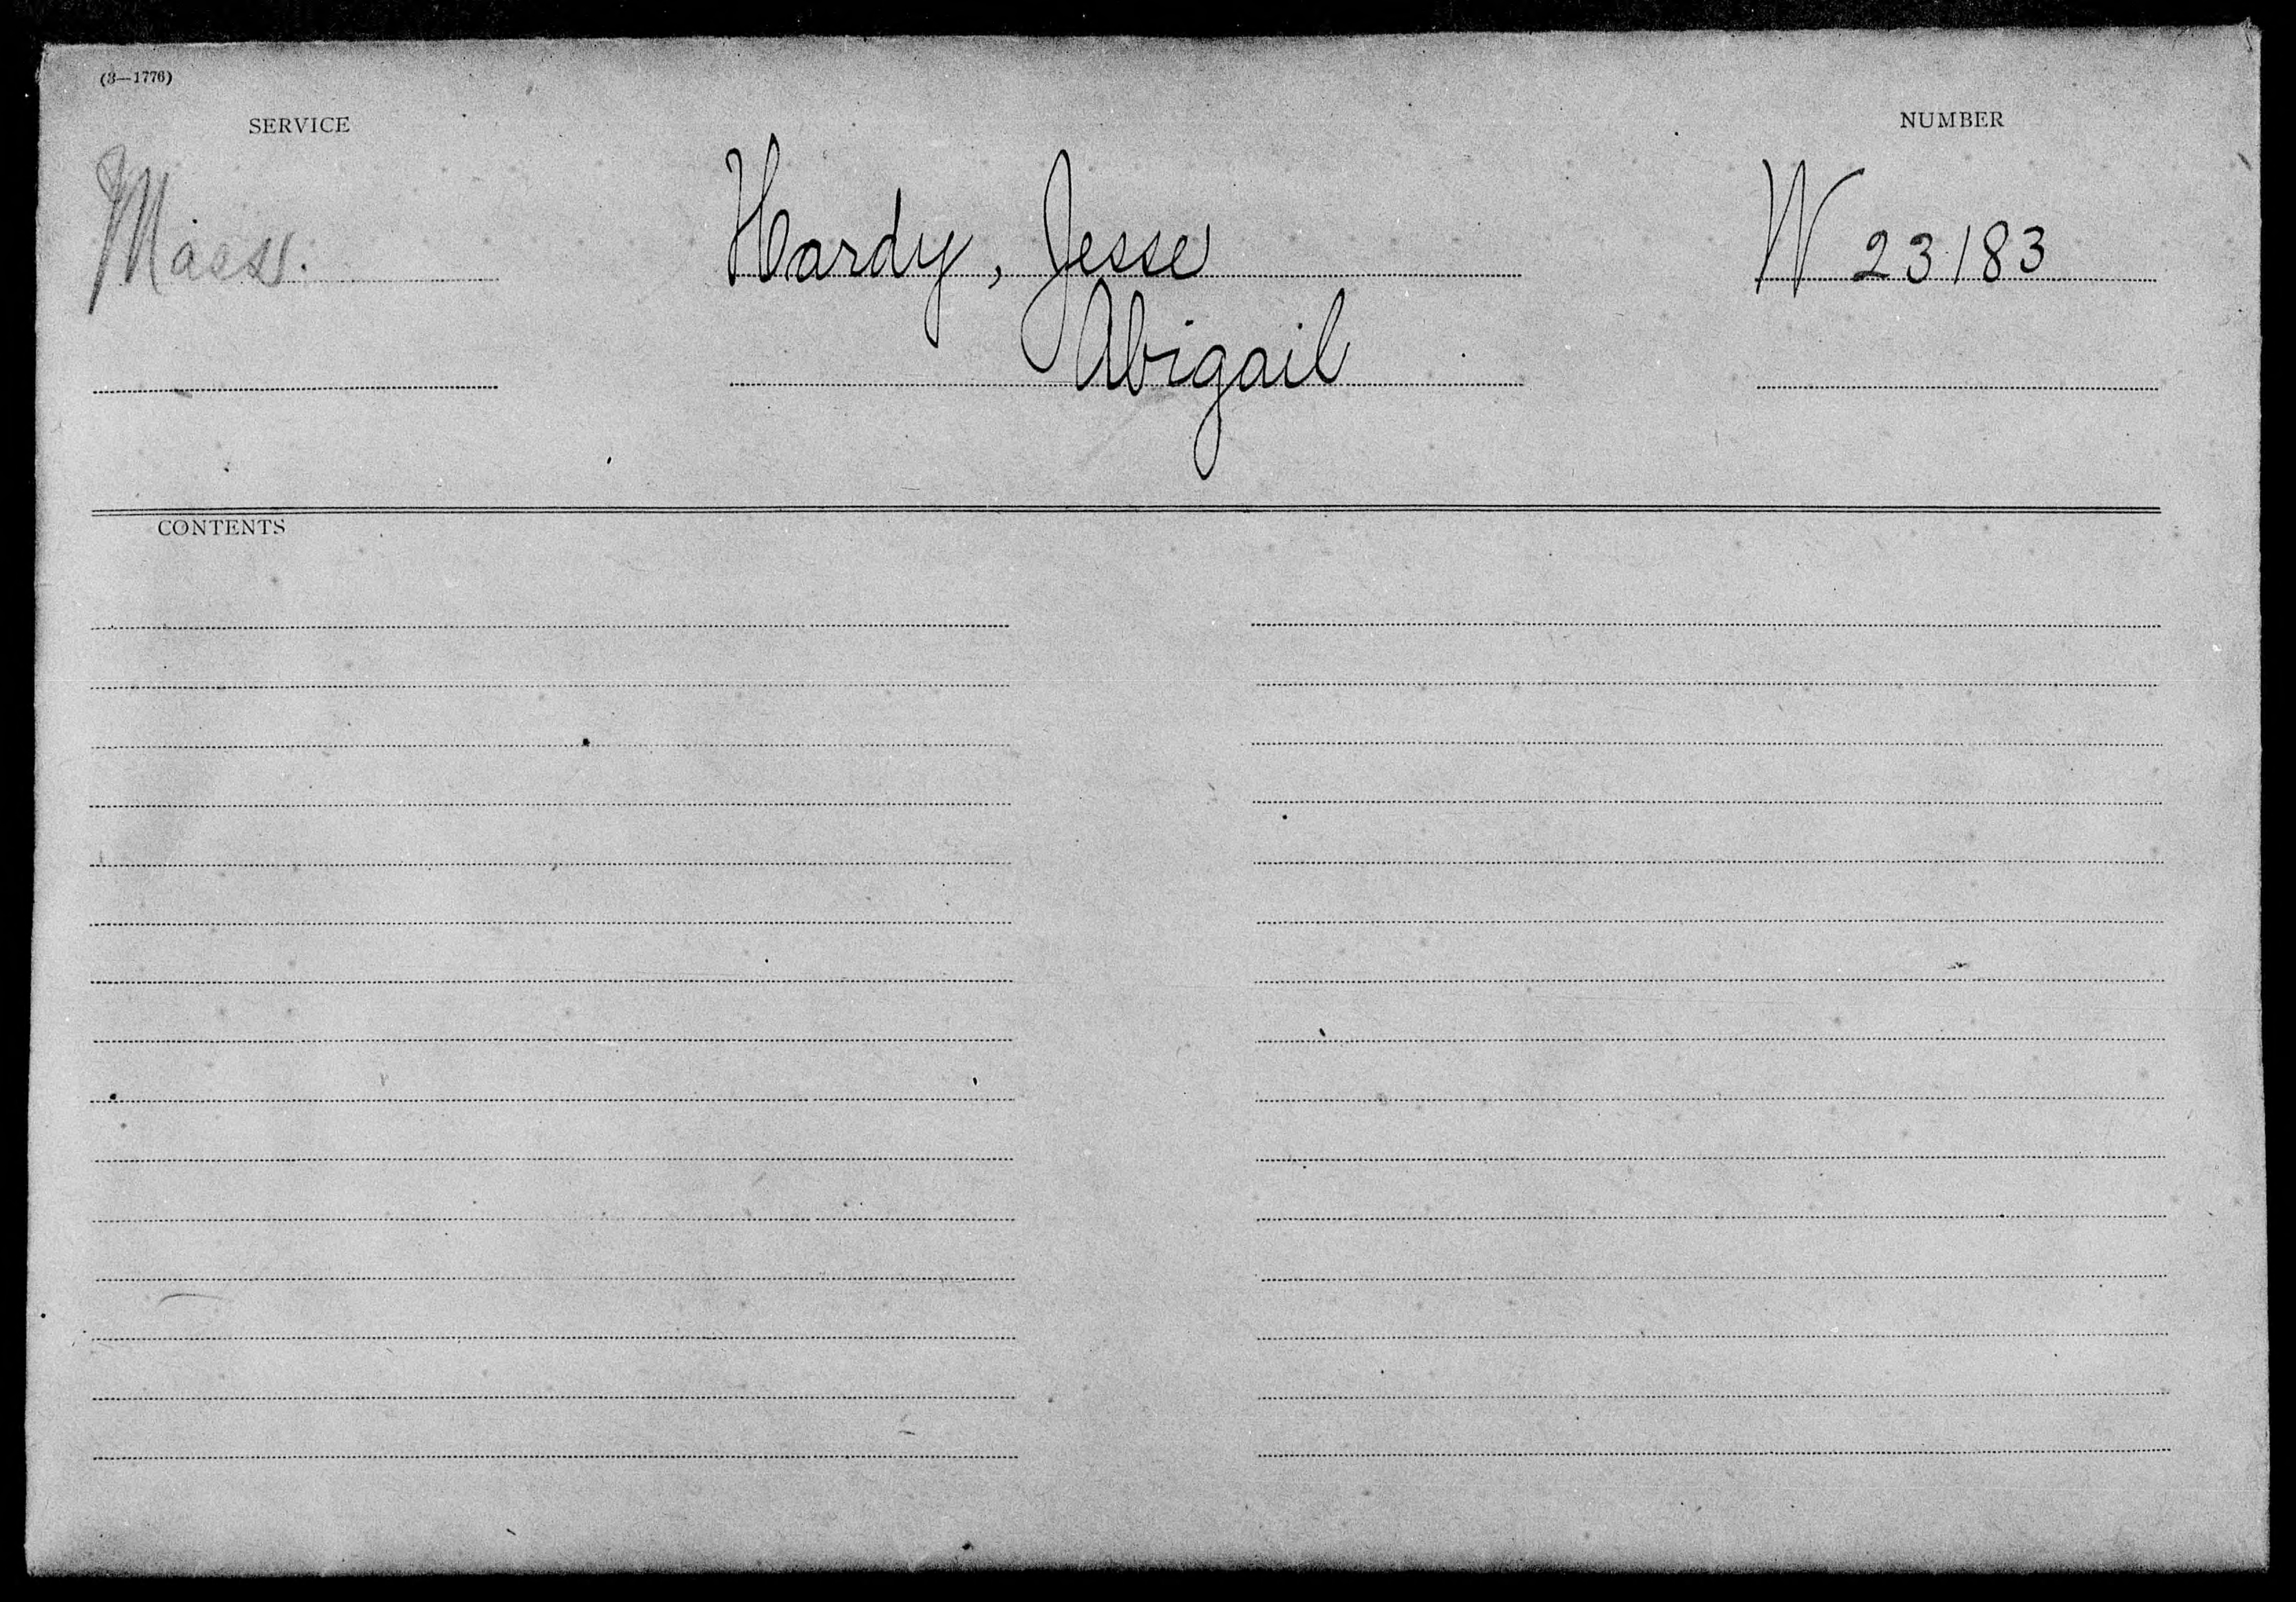(3-1776)

Service: Mass

Hardy, Jesse
            Abigail

Number: W. 23183

Contents:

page: 1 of 67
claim: widow's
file: W. 23183, Jesse Hardy, Mass.